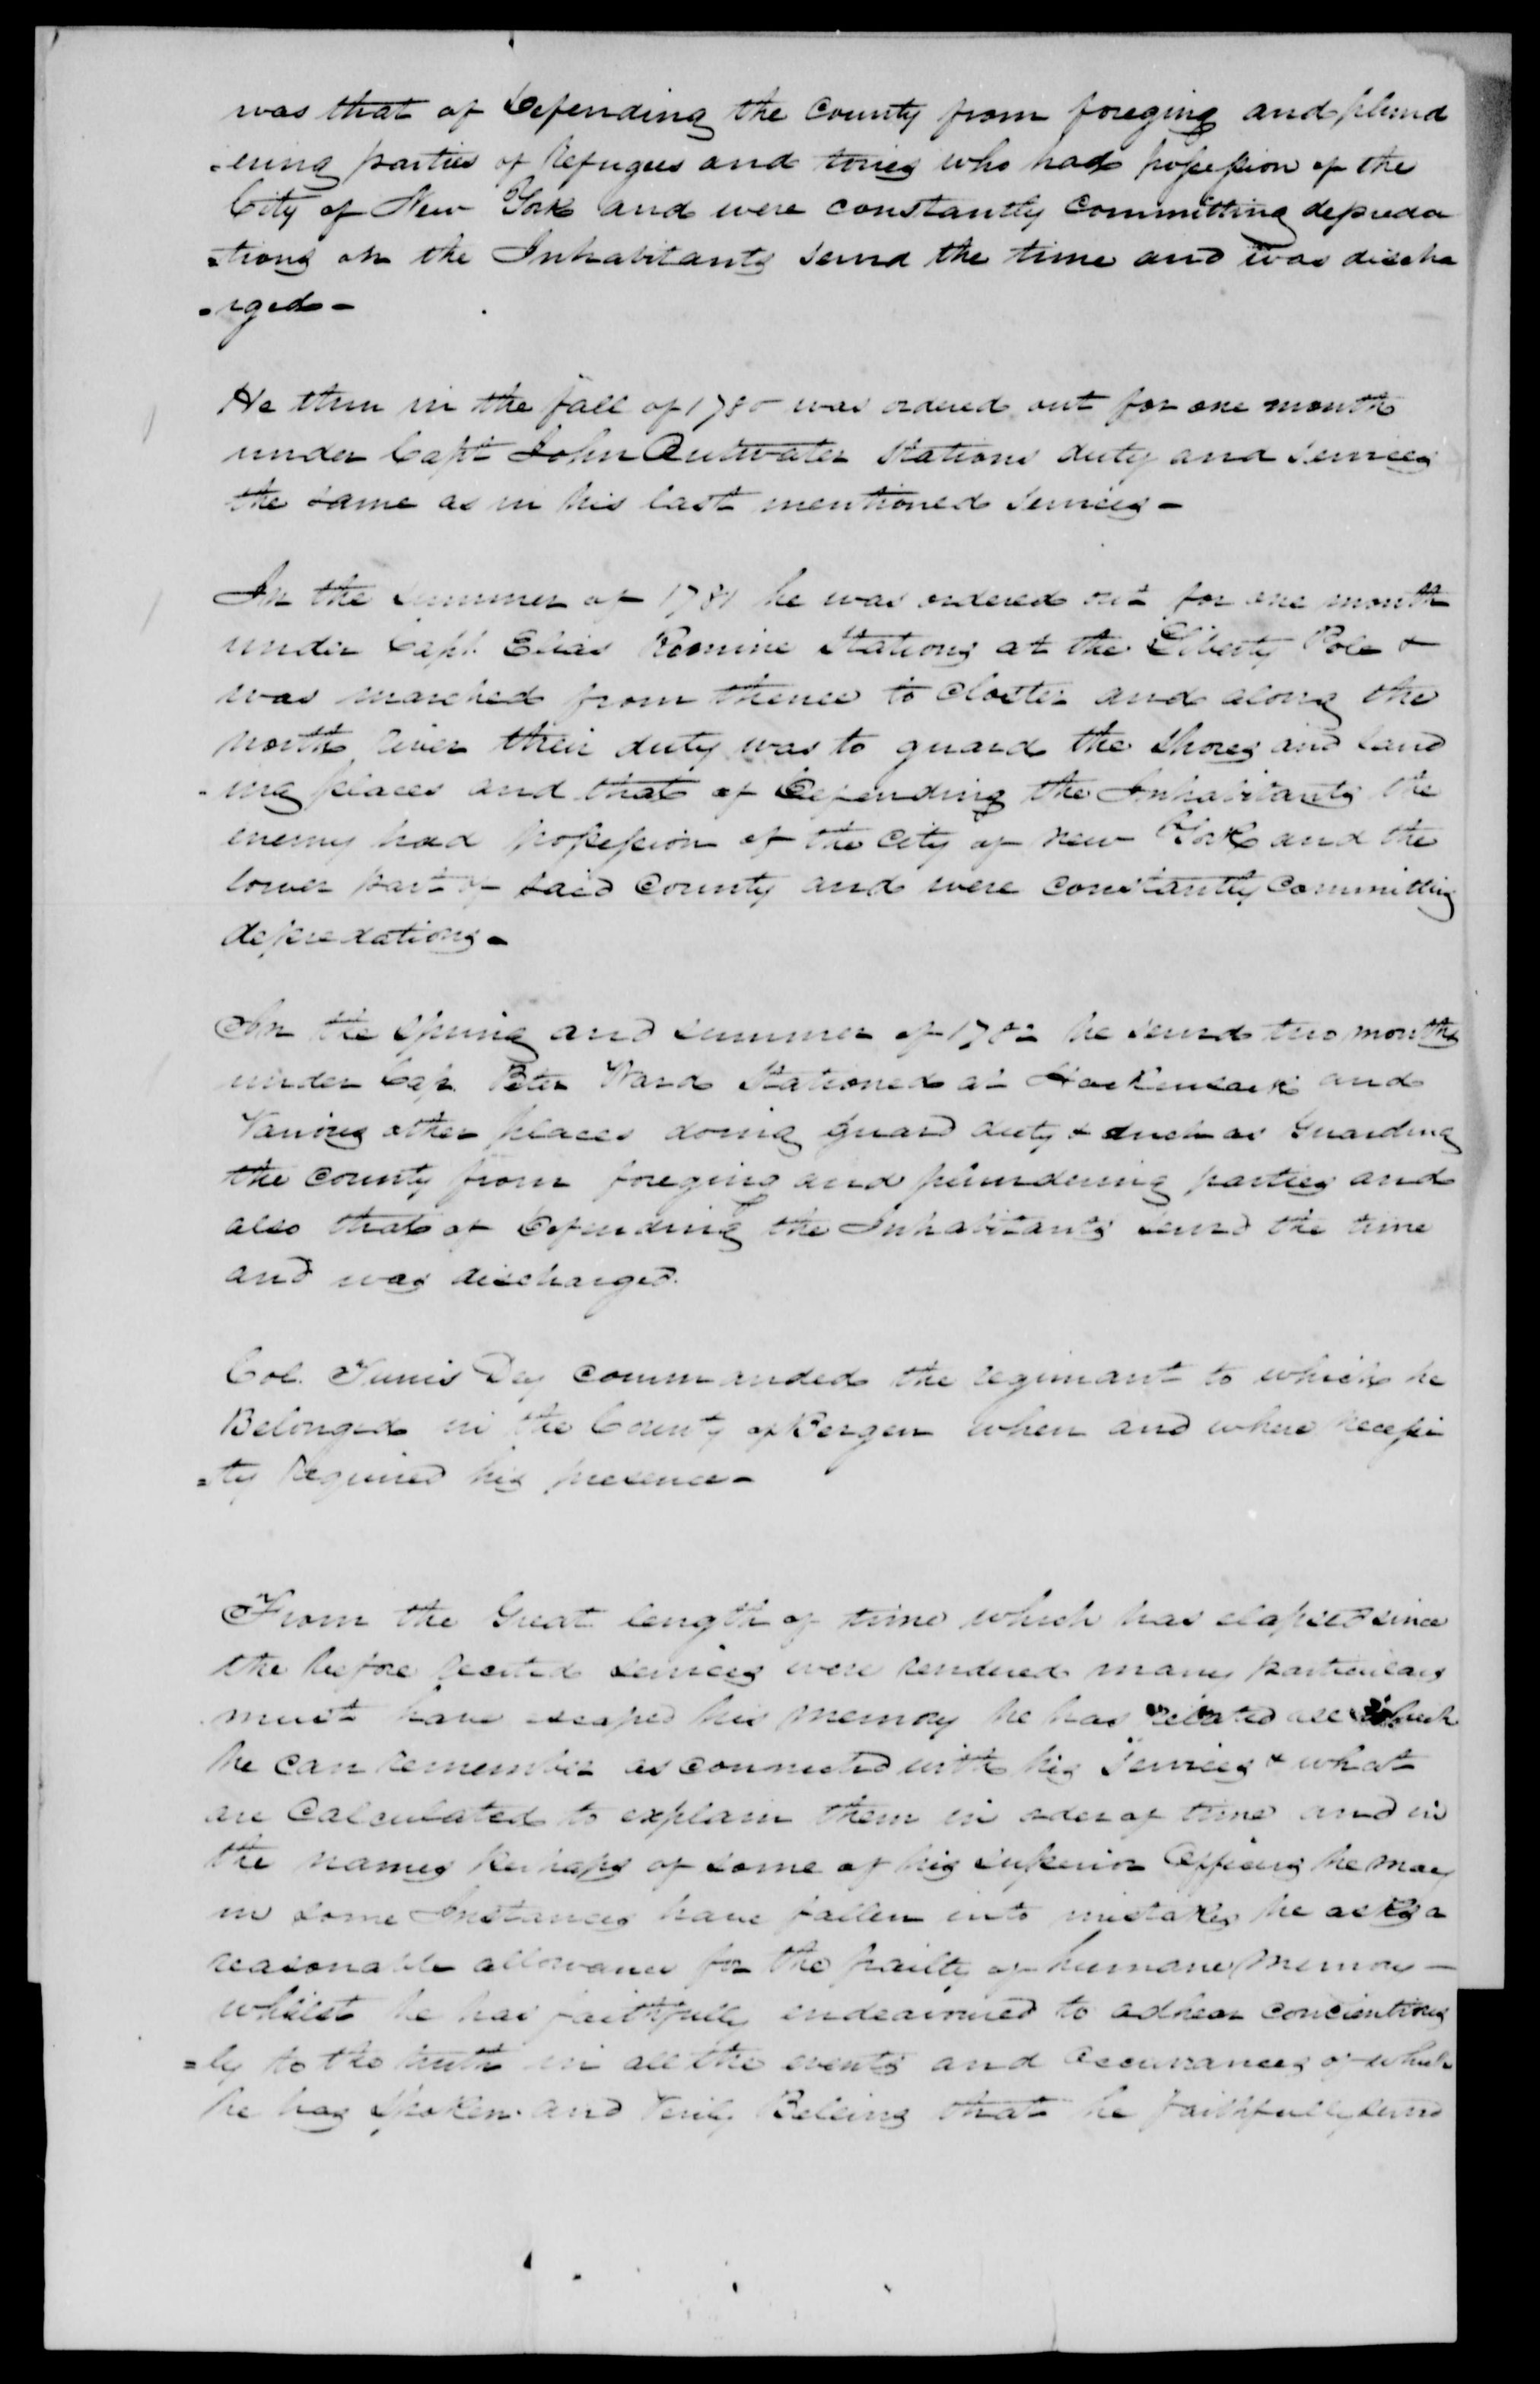was that of defending the county from foraging and plundering parties of refugees and tories who had possession of the City of New York and were constantly committing depredations on the Inhabitants served the time and was discharged-

He then in the fall of 1780 was ordered out for one month under Capt John Outwater stations duty and services the same as in his last mentioned services-

In the Summer of 1781 he was ordered out for one month under Capt Elias Romine Stationed at the Liberty Pole & was marched from thence to Closter and along the north lines their duty was to guard the shores and landing places and that of defending the Inhabitants the enemy had possession of the City of New York and the
lower part of said County and were constantly committing depredations-

In the spring and summer of 1778 he served two months under Cap. Peter Ward stationed at Hackensack and various other places doing guard duty & such as Guarding the County from foraging and plundering parties and also that of defending the Inhabitants served the time
and was discharged.

Col. Tunis Day commanded the regiment to which he Belonged in the County of Bergen when and where necessity required his presence-

Fom the great length of time which has elapsed since the before presented services were rendered many particulars must have escaped his memory he has related all which he can remember as connected with his services & what are calculated to explain them in order of time and in the names perhaps of some of his superior Officers he may in some Instances have fallen into mistakes he asks reasonable allowance for the frailty of human memory
whilst he has faithfully endeavored to adhear [adhere] conscientiously to the truth in all the events and occurences of which he has spoken and verily Believes that he faithfully served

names: John Outwater; Elias Romine; Tunis Day; Peter Ward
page: 24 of 30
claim: survivor's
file: S. 1104, for Simon Simonson, New Jersey